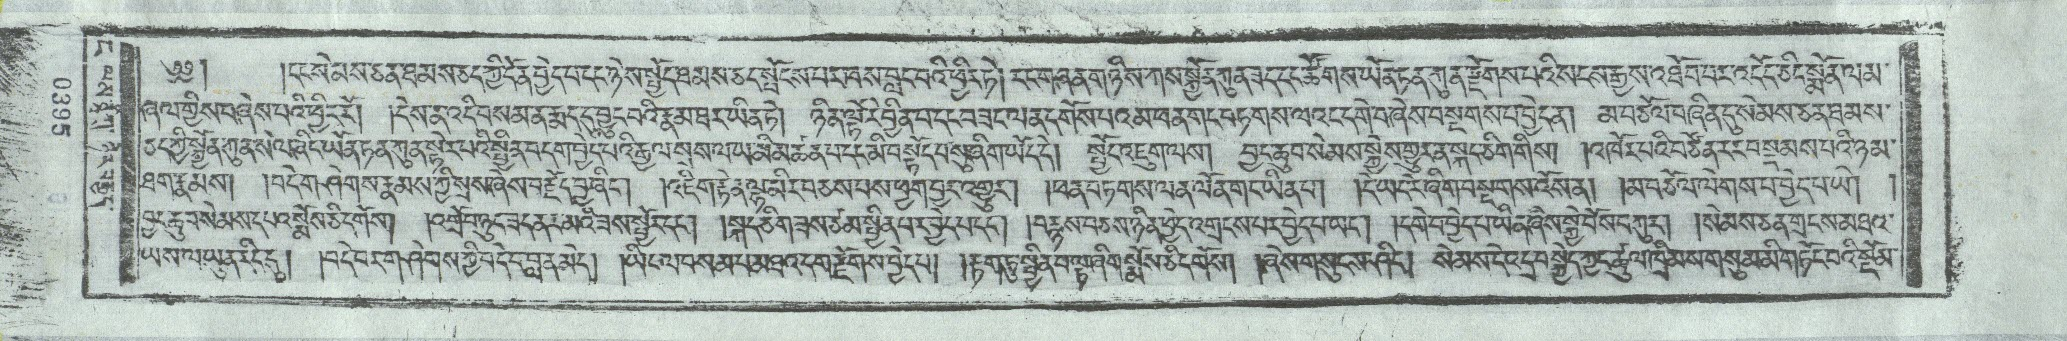༄༅། །དང་སེམས་ཅན་ཐམས་ཅད་ཀྱི་དོན་བྱེད་པ་དང་ཉེས་སྤྱོད་ཐམས་ཅད་སྤོངས་པར་ཁས་བླང་པའི་ཕྱིར་ཏེ། རང་གཞན་གཉིས་ཀས་སྐྱོན་ཀུན་ཟད་དང་ཚོགས་ཡོན་ཏན་ཀུན་རྫོགས་པའི་སངས་རྒྱས་འཐོབ་བར་འདོད་ཅིང་སྨོན་ལམ་
ཞལ་གྱིས་བཞེས་པའི་ཕྱིར་རོ། །དེས་ན་འདི་བསམ་ན་རྨད་དུ་བྱུང་བའི་རྣམ་ཐར་ཡིན་ཏེ། ཉིན་ལྟོ་རེ་བྱིན་པ་དང་བཟང་ལན་དགོས་པའམ་ཕན་གང་བཏགས་ལའང་དགེ་བ་ཞེས་བསྔགས་པ་བྱེད་ན། མ་བཅོལ་བཞིན་དུ་སེམས་ཅན་ཐམས་
ཅད་ཀྱི་སྐྱོན་ཀུན་སེལ་ཞིང་ཡོན་ཏན་ཀུན་སྟེར་པའི་སྦྱིན་བདག་བྱེད་པའི་རྒྱལ་སྲས་ལ་ཡ་མི་མཚན་པ་དང་མི་བསྟོད་པ་སུ་ཞིག་ཡོད་དེ། སྦྱོང་འཇུག་ལས། བྱང་ཆུབ་སེམས་སྐྱེས་གྱུར་ན་སྐད་ཅིག་གིས། །འཁོར་པའི་བརྩོན་རར་བསྡམས་པའི་ཉམ་
ཐག་རྣམས། །བདེ་གཤེགས་རྣམས་ཀྱི་སྲས་ཞེས་བརྗོད་བྱ་ཞིང་། །འཇིག་རྟེན་ལྷ་མིར་བཅས་པས་ཕྱག་བྱར་འགྱུར། །ཕན་བཏགས་ལན་ལོན་གང་ཡིན་པ། །དེ་ཡང་རེ་ཞིག་བསྔགས་འོས་ན། །མ་བཅོལ་ལེགས་པ་བྱེད་པ་ཡི། །
བྱང་ཆུབ་སེམས་དཔའ་སྨོས་ཅི་དགོས། །འགྲོ་བ་ཉུང་ཟད་ནར་མའི་ཟས་སྦྱོར་དང་། །སྐད་ཅིག་ཟས་ཙམ་སྦྱིན་པར་བྱེད་པ་དང་། །བརྙས་བཅས་ཉིན་ཕྱེད་འགྲངས་པར་བྱེད་པ་ཡང་། །དགེ་བ་བྱེད་པ་ཡིན་ཞེས་སྐྱེ་བོས་བཀུར། །སེམས་ཅན་གྲངས་མཐའ་
ཡས་ལ་ཡུན་རིང་དུ། །བདེ་བར་གཤེགས་ཀྱི་བདེད་བླ་ན་མེད། །ཡིད་ལ་བསམ་པ་མཐའ་དག་རྫོགས་བྱེད་པ། །རྟག་ཏུ་སྦྱིན་བ་ལྟ་ཞིག་སྨོས་ཅི་དགོས། །ཞེས་གསུངས་ཤིང་། སེམས་དེ་འདྲ་བསྐྱེད་ཀྱང་ཚུལ་ཁྲིམས་གསུམ་མི་གཏོང་པའི་སྡེབ་